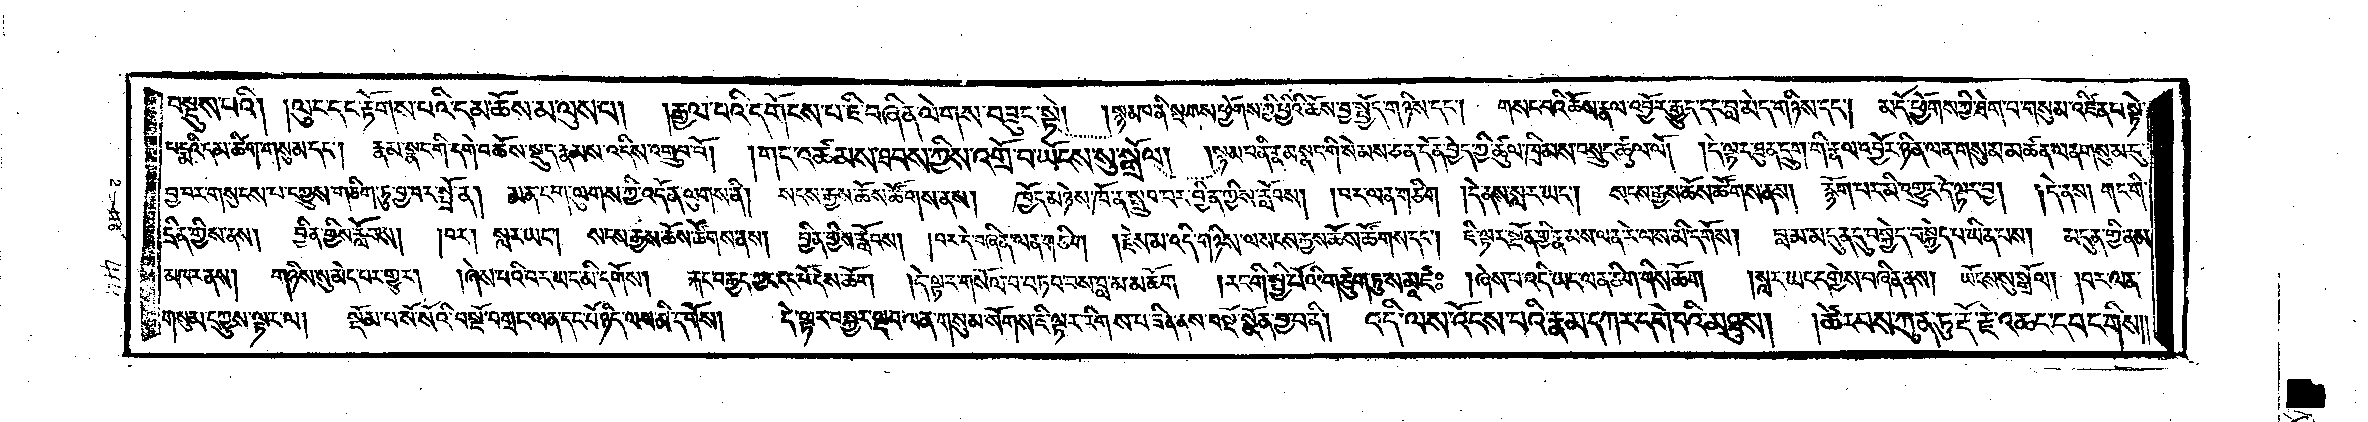བསྡུས་པའི། །ལུང་དང་རྟོགས་པའི་དམ་ཆོས་མ་ལུས་པ། །རྒྱལ་བའི་དགོངས་པ་ཇི་བཞིན་ལེགས་བཟུང་སྟེ། །སྙམ་པ་ནི་སྔགས་ཕྱོགས་ཀྱི་ཕྱིའི་ཆོས་བྱ་སྤྱོད་གཉིས་དང་། གསང་བའི་ཆོས་རྣལ་འབྱོར་རྒྱུད་དང་བླ་མེད་གཉིས་དང་། མདོ་ཕྱོགས་གྱི་ཐེག་པ་གསུམ་འཛིན་པ་སྟེ་
པདམའི་དམ་ཚིག་གསུམ་དང་། རྣམ་སྣང་གི་དགེ་བ་ཆོས་སྡུད་རྣམས་འདིས་འགྲུབ་བོ། །གང་འཚམས་ཐབས་ཀྱིས་འགྲོ་བ་ཡོངས་སུ་སྒྲོལ། །སྙམ་པ་ནི་རྣམ་སྣང་གི་སེམས་ཅན་དོན་བྱེད་ཀྱི་ཚུལ་ཁྲིམས་བསྲུང་ཚུལ་ལོ། །དེ་ལྟར་ཐུན་དྲུག་གི་རྣལ་འབྱོར་ཉིན་ལན་གསུམ་མཚན་ལན་གསུམ་དུ་
བྱ་བར་གསུངས་པ་དཀྱུས་གཅིག་ཏུ་བྱ་བར་སྤྲོ་ན། མན་ངག་ལུགས་ཀྱི་འདོན་ལུགས་ནི། སངས་རྒྱས་ཆོས་ཚོགས་ནས། ཁྱོད་མཉེས་ཁོ་ན་སྒྲུབ་པར་བྱིན་གྱིས་རློབས། །བར་ལན་གཅིག། དེ་ནས་སླར་ཡང་། སངས་རྒྱས་ཆོས་ཚོགས་ནས། རྙོག་པར་མི་འགྱུར་དེ་ལྟར་བྱ། །དེ་ནས། གང་གི་
དྲིན་གྱིས་ནས། བྱིན་གྱིས་རློབས། །བར། སླར་ཡང་། སངས་རྒྱས་ཆོས་ཚོགས་ནས། བྱིན་གྱིས་རློབས། །བར་དེ་བཞིན་ལན་གཅིག །རྗེས་མ་འདི་གཉིས་ལ་སངས་རྒྱས་ཆོས་ཚོགས་དང་། ཇི་ལྟར་སྔོན་གྱི་རྣམས་ལན་རེ་ལས་མི་དགོས། བླ་མ་མདུན་དུ་བསྐྱེད་བསྐྱེད་པ་ཡིན་པས། མདུན་གྱི་ནམ་
མཁར་ནས། གཉིས་སུ་མེད་པར་གྱུར། །ཞེས་པའི་བར་མང་མི་དགོས། རྐང་བརྒྱད་ཀྱང་དང་པོ་དེས་ཆོག །དེ་ལྟར་གསོལ་བ་བཏབ་པས་བླ་མ་མཆོག །རང་གི་སྤྱི་བོའི་གཙུག་ཏུ་ས་མཱཛཿ །ཞེས་པ་འདི་ཡང་ལན་ཅིག་གིས་ཆོག །སླར་ཡང་དགྱེས་བཞིན་ནས། ཡོངས་སུ་སྒྲོལ། །བར་ལན་
གསུམ་དཀྱུས་ལྟར་ལ། སྡོམ་པ་སོ་སོའི་བསྔོ་བགྲང་ལན་དང་པོ་ཉིད་ལས་མི་དགོས། དེ་ལྟར་བསྐྱར་ལྡབ་ལན་གསུམ་སོགས་ཇི་ལྟར་རིགས་པ་ཟིན་ནས་བསྔོ་སྣོན་བྱ་བ་ནི། འདི་ལས་འོངས་པའི་རྣམ་དཀར་དགེ་བའི་མཐུས། །ཚེ་རབས་ཀུན་ཏུ་རྡོ་རྗེ་འཆང་དབང་གིས།